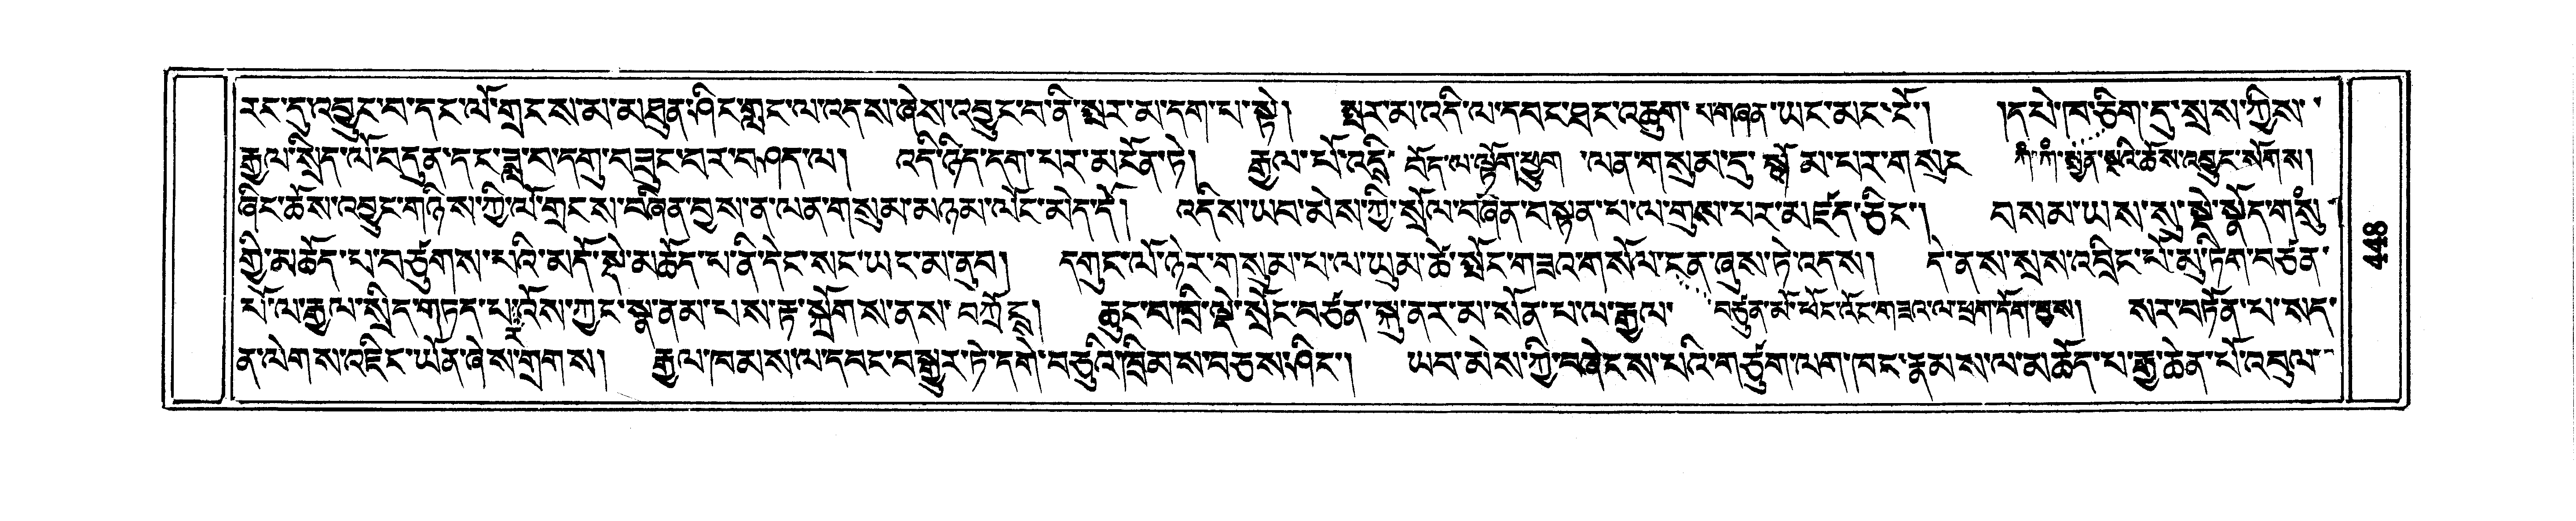རང་དུ་འབྱུང་བ་དང་ལོ་གྲངས་མ་མཐུན་ཤིང་གླང་ལ་འདས་ཞེས་འབྱུང་བ་ནི་སྤར་མ་དག་པ་སྟེ། སྤར་མ་འདི་ལ་དབང་ཐང་འཆུག་པ་གཞན་ཡང་མང་ངོ། །དཔེ་ཁ་ཅིག་དུ་སྲས་ཀྱིས་
རྒྱལ་སྲིད་ལོ་བདུན་དང་ཟླ་བ་དགུ་བཟུང་བར་བཤད་ལ། འདི་ཉིད་དག་པར་མངོན་ཏེ། རྒྱལ་པོ་འདིས་བོད་ལ་ལྟོག་ཕྱུག་ལན་གསུམ་དུ་སྙོམ་པར་གསུང་ཀཾ་ཀཾ་སྤྱན་སྔའི་ཆོས་འབྱུང་སོགས།
ཞིང་ཆོས་འབྱུང་གཉིས་ཀྱི་ལོ་གྲངས་བཞིན་བྱས་ན་ལན་གསུམ་མཉམ་ལོང་མེད་དོ། །འདིས་ཡབ་མེས་ཀྱི་སྲོལ་བཞིན་བསྟན་པ་ལ་གུས་པར་མཛད་ཅིང་། བསམ་ཡས་སུ་སྡེ་སྣོད་གསུཾ་
གྱི་མཆོད་པ་བཙུགས་པའི་མདོ་སྡེ་མཆོད་པ་ནི་དེང་སང་ཡང་མ་ནུབ། དགུང་ལོ་ཉེར་གསུམ་པ་ལ་ཡུམ་ཚེ་སྤོང་གཟའ་གསོལ་ངན་ཞུས་ཏེ་འདས། དེ་ནས་སྲས་འབྲིང་པོ་མུ་ཏིག་བཙན་
པོ་ལ་རྒྱལ་སྲིད་གཏད་པར་འོས་ཀྱང་སྣ་ནམ་པས་རྟ་སྐྲོགས་ནས་བཀྲོངས། ཆུང་བ་ཁྲི་ལྡེ་སྲོང་བཙན་སྐུ་ནར་མ་སོན་པ་ལ་རྒྱལ་བཙུན་མོ་ཕོང་འོང་གཟའ་ལ་ཕྲག་དོག་བྱས། སར་བཏོན་པ་སད་
ན་ལེགས་འཇིང་ཡོན་ཞེས་གྲགས། རྒྱལ་ཁམས་ལ་དབང་བསྒྱུར་ཏེ་དགེ་བཅུའི་ཁྲིམས་བཅས་ཤིང་། ཡབ་མེས་ཀྱི་བཞེངས་པའི་གཙུག་ལག་ཁང་རྣམས་ལ་མཆོད་པ་རྒྱ་ཆེན་པོ་འབུལ་